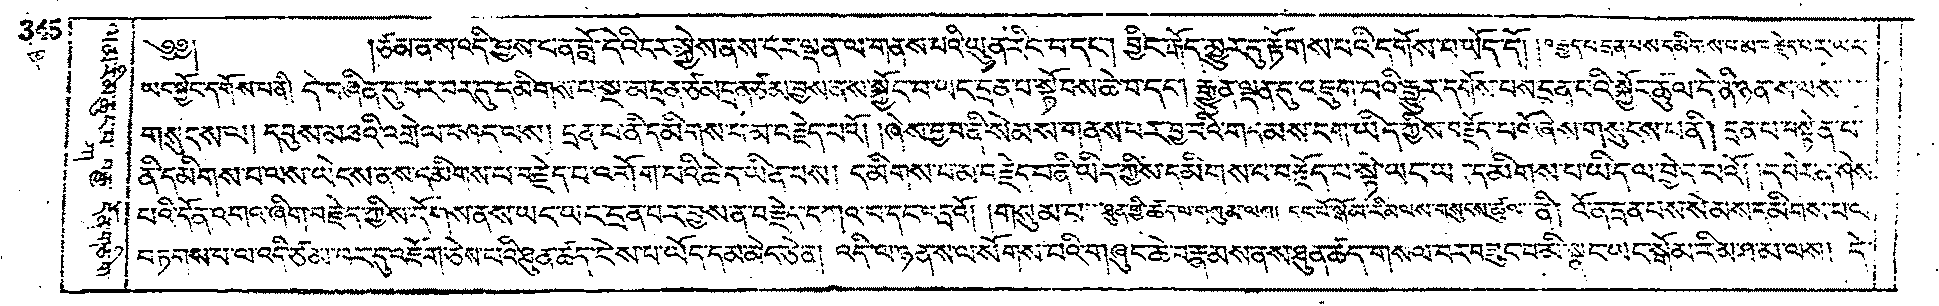༄༅། །ཙམ་ནས་འདི་བྱས་པ་ན་བློ་དེའི་ངར་སྐྱེས་ནས་ངར་ལྡན་ལ་གནས་པའི་ཡུན་རིང་བ་དང་། བྱིང་རྒོད་མྱུར་དུ་རྟོགས་པའི་དགོས་པ་ཡོད་དོ། །བརྒྱད་པ་དྲན་པས་དམིགས་པ་མ་བརྗེད་པར་ཡང་
ཡང་སྐྱོང་དགོས་པ་ནི། དེ་བཞིན་དུ་བར་བར་དུ་དམིགས་པ་སྔ་མ་དྲན་ཙམ་དྲན་ཙམ་བྱས་ནས་སྐྱོང་བ་ཡང་དྲན་པ་སྟོབས་ཆེ་བ་དང་། རྒྱུན་ལྡན་དུ་འཇུག་པའི་རྒྱུར་དགོས་པས་དྲན་པའི་སྐྱོང་ཚུལ་དེ་ནི་ཉན་ས་ལས་
གསུངས་ལ། དབུས་མཐའི་འགྲེལ་བཤད་ལས། དྲན་པ་ནི་དམིགས་པ་མ་བརྗེད་པའོ། །ཞེས་བྱ་བ་ནི་སེམས་གནས་པར་བྱ་བའི་གདམས་ངག་ཡིད་ཀྱིས་བརྗོད་པའོ་ཞེས་གསུངས་པ་ནི། དྲན་པ་བསྟེན་པ་
ནི་དམིགས་པ་ལས་ཡེངས་ནས་དམིགས་པ་བརྗེད་པ་འགོག་པའི་ཆེད་ཡིན་པས། དམིགས་པ་མ་བརྗེད་པ་ནི་ཡིད་ཀྱིས་དམིགས་པ་བརྗོད་པ་སྟེ་ཡང་ཡང་དམིགས་པ་ཡིད་ལ་བྱེད་པའོ། །དཔེར་ན་ཤེས་
པའི་དོན་འགའ་ཞིག་བརྗེད་ཀྱིས་དོགས་ནས་ཡང་ཡང་དྲན་པར་བྱས་ན་བརྗེད་དཀའ་བ་དང་འདྲའོ། །གསུམ་པཐུན་གྱི་ཚད་ལ་གསུམ་ལས། དང་པོ་སྒོམ་རིམ་ལས་གསུངས་ཚུལ་ནི། འོ་ན་དྲན་པས་སེམས་དམིགས་པ་ལ་
བཏགས་པ་ལ་འདི་ཙམ་བར་དུ་འཇོག་ཅེས་པའི་ཐུན་ཚད་ངེས་པ་ཡོད་དམ་མེད་ཅེ་ན། འདི་ལ་ཉན་ས་ལ་སོགས་པའི་གཞུང་ཆེ་བ་རྣམས་ནས་ཐུན་ཚད་གསལ་བར་བཟུང་བ་མི་སྣང་ཡང་སྒོམ་རིམ་ཐ་མ་ལས། དེ་